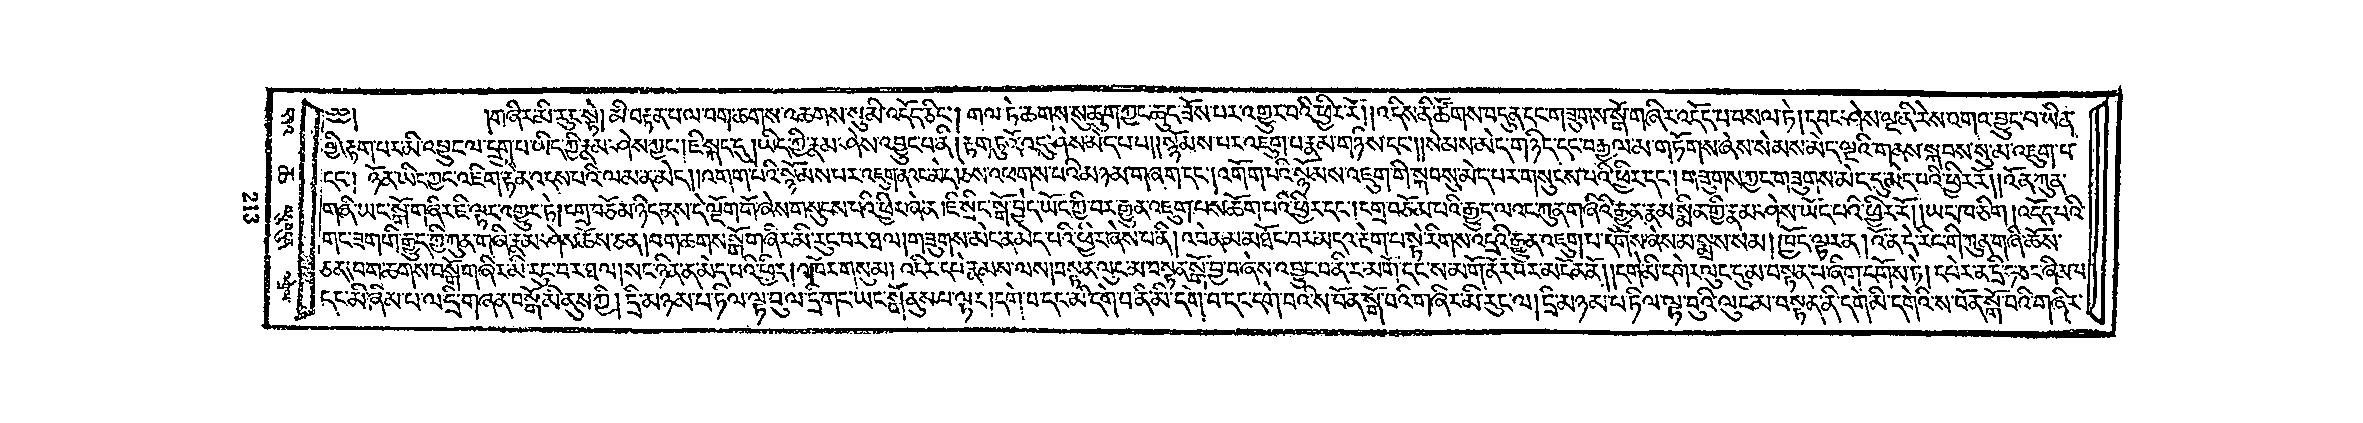༄༅། །གཞིར་མི་རུང་སྟེ། མི་བརྟན་པ་ལ་བག་ཆགས་འཆགས་སུ་མི་འདོད་ཅིང་། གལ་ཏེ་ཆགས་སུ་ཆུག་ཀྱང་ཆུད་ཟོས་པར་འགྱུར་བའི་ཕྱིར་རོ། །འདིས་ནི་ཚོགས་བདུན་དང་གཟུགས་སྒོ་གཞིར་འདོད་པ་བསལ་ཏེ། དབང་ཤེས་ལྔ་ནི་རེས་འགའ་བྱུང་བ་ཡིན་
གྱི། རྟག་པར་མི་འབྱུང་ལ་དྲུག་པ་ཡིད་ཀྱི་རྣམ་ཤེས་ཀྱང་། ཇི་སྐད་དུ། ཡིད་ཀྱི་རྣམ་ཤེས་འབྱུང་བ་ནི། རྟག་ཏུའོ་འདུ་ཤེས་མེད་པ་པ། །སྙོམས་པར་འཇུག་པ་རྣམ་གཉིས་དང་། །སེམས་མེད་གཉིད་དང་བརྒྱལ་མ་གཏོགས་ཞེས་སེམས་མེད་ལྔའི་གནས་སྐབས་སུ་མ་འཇུག་པ་
དང་། ཉོན་ཡིད་ཀྱང་འཇིག་རྟེན་འདས་པའི་ལམ་ན་མེད། །འགག་པའི་སྙོམས་པར་འཇུག་ནའང་མེད། ཅེས་འཕགས་པའི་མཉམ་གཞག་དང་། འགོག་པའི་སྙོམས་འཇུག་གི་སྐབས་སུ་མེད་པར་གསུངས་པའི་ཕྱིར་དང་། གཟུགས་ཀྱང་གཟུགས་མེད་དུ་མེད་པའི་ཕྱིར་རོ། །འོ་ན་ཀུན་
གཞི་ཡང་སྒོ་གཞིར་ཇི་ལྟར་འགྱུར་ཏེ། དགྲ་བཅོམ་ཉིད་ནས་དེ་ལྡོག་གོ་ཞེས་གསུངས་པའི་ཕྱིར་ཞེ་ན། ཇི་སྲིད་སྒོ་བྱེད་ཡོད་ཀྱི་བར་རྒྱུན་འཇུག་པས་ཆོག་པའི་ཕྱིར་དང་། དགྲ་བཅོམ་པའི་རྒྱུད་ལའང་ཀུན་གཞིའི་རྒྱུན་རྣམ་སྨིན་གྱི་རྣམ་ཤེས་ཡོད་པའི་ཕྱིར་རོ། །ཡང་ཁ་ཅིག །འདོད་པའི་
གང་ཟག་གི་རྒྱུད་ཀྱི་ཀུན་གཞི་རྣམ་ཤེས་ཆོས་ཅན། བག་ཆགས་སྒོ་གཞིར་མི་རུང་བར་ཐལ། གཟུགས་མེད་ན་མེད་པའི་ཕྱིར་ཞེས་པ་ནི། འབེན་མ་མཐོང་བར་མདའ་རྡེག་པ་སྟེ་རིགས་འདྲའི་རྒྱུན་འཇུག་པ་དགོས་ཞེས་མ་སྨྲས་སམ། ཁྱོད་ལྟར་ན། འོ་ན་དེ་རིང་གི་ཀུན་གཞི་ཆོས་
ཅན། བག་ཆགས་བསྒོ་གཞིར་མི་རུང་བར་ཐལ། སང་ཉིན་ན་མེད་པའི་ཕྱིར། འཁོར་གསུམ། འདིར་དཔེ་རྣམས་ལས། བསྟན་ལུང་མ་བསྟན་སྒོ་བྱ་བ་ཞེས་འབྱུང་བ་ནི་ར་མགོ་དང་ས་མགོ་ནོར་བར་མངོན་ནོ། །དགེ་མི་དགེར་ལུང་དུ་མ་བསྟན་པ་ཞིག་དགོས་ཏེ། དཔེར་ན་དྲི་ཧ་ཅང་ཞིམ་པ་
དང་མི་ཞིམ་པ་ལ་དྲི་གཞན་བསྒོ་མི་ནུས་ཀྱི། དྲི་མཉམ་པ་ཏིལ་ལྟ་བུ་ལ་དྲི་གང་ཡང་སྒོ་ནུས་པ་ལྟར། དགེ་བ་དང་མི་དགེ་བ་ནི་མི་དགེ་བ་དང་དགེ་བའི་ས་བོན་སྒོ་བའི་གཞིར་མི་རུང་ལ། དྲི་མཉམ་པ་ཏིལ་ལྟ་བུའི་ལུང་མ་བསྟན་ནི་དགེ་མི་དགེའི་ས་བོན་སྒོ་བའི་གཞིར་